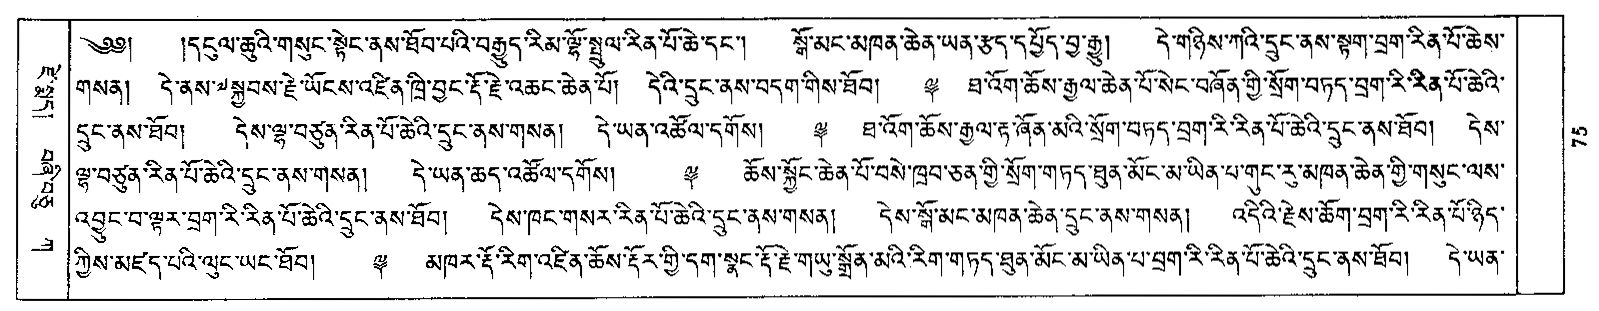༄༅། །དངུལ་ཆུའི་གསུང་སྟེང་ནས་ཐོབ་པའི་བརྒྱུད་རིམ་ལྷོ་སྤྲུལ་རིན་པོ་ཆེ་དང་། སྒོ་མང་མཁན་ཆེན་ཡན་རྩད་དཔྱོད་བྱ་རྒྱུ། དེ་གཉིས་ཀའི་དྲུང་ནས་སྟག་བྲག་རིན་པོ་ཆེས་
གསན། དེ་ནས་༧་སྐྱབས་རྗེ་ཡོངས་འཛིན་ཁྲི་བྱང་རྡོ་རྗེ་འཆང་ཆེན་པོ། དེའི་དྲུང་ནས་བདག་གིས་ཐོབ། ༈ ཐ་འོག་ཆོས་རྒྱལ་ཆེན་པོ་སེང་བཞོན་གྱི་སྲོག་བཏད་བྲག་རི་རིན་པོ་ཆེའི་
དྲུང་ནས་ཐོབ། དེས་ལྷ་བཙུན་རིན་པོ་ཆེའི་དྲུང་ནས་གསན། དེ་ཡན་འཚོལ་དགོས། ༈ ཐ་འོག་ཆོས་རྒྱལ་རྟ་ཞོན་མའི་སྲོག་བཏད་བྲག་རི་རིན་པོ་ཆེའི་དྲུང་ནས་ཐོབ། དེས་
ལྷ་བཙུན་རིན་པོ་ཆེའི་དྲུང་ནས་གསན། དེ་ཡན་ཆད་འཚོལ་དགོས། ༈ ཆོས་སྐྱོང་ཆེན་པོ་བསེ་ཁྲབ་ཅན་གྱི་སྲོག་གཏད་ཐུན་མོང་མ་ཡིན་པ་གུང་རུ་མཁན་ཆེན་གྱི་གསུང་ལས་
འབྱུང་བ་ལྟར་བྲག་རི་རིན་པོ་ཆེའི་དྲུང་ནས་ཐོབ། དེས་ཁང་གསར་རིན་པོ་ཆེའི་དྲུང་ནས་གསན། དེས་སྒོ་མང་མཁན་ཆེན་དྲུང་ནས་གསན། འདིའི་རྗེས་ཆོག་བྲག་རི་རིན་པོ་ཉིད་
ཀྱིས་མཛད་པའི་ལུང་ཡང་ཐོབ། ༈ མཁར་རྡོ་རིག་འཛིན་ཆོས་རྡོར་གྱི་དག་སྣང་རྡོ་རྗེ་གཡུ་སྒྲོན་མའི་རིག་གཏད་ཐུན་མོང་མ་ཡིན་པ་བྲག་རི་རིན་པོ་ཆེའི་དྲུང་ནས་ཐོབ། དེ་ཡན་